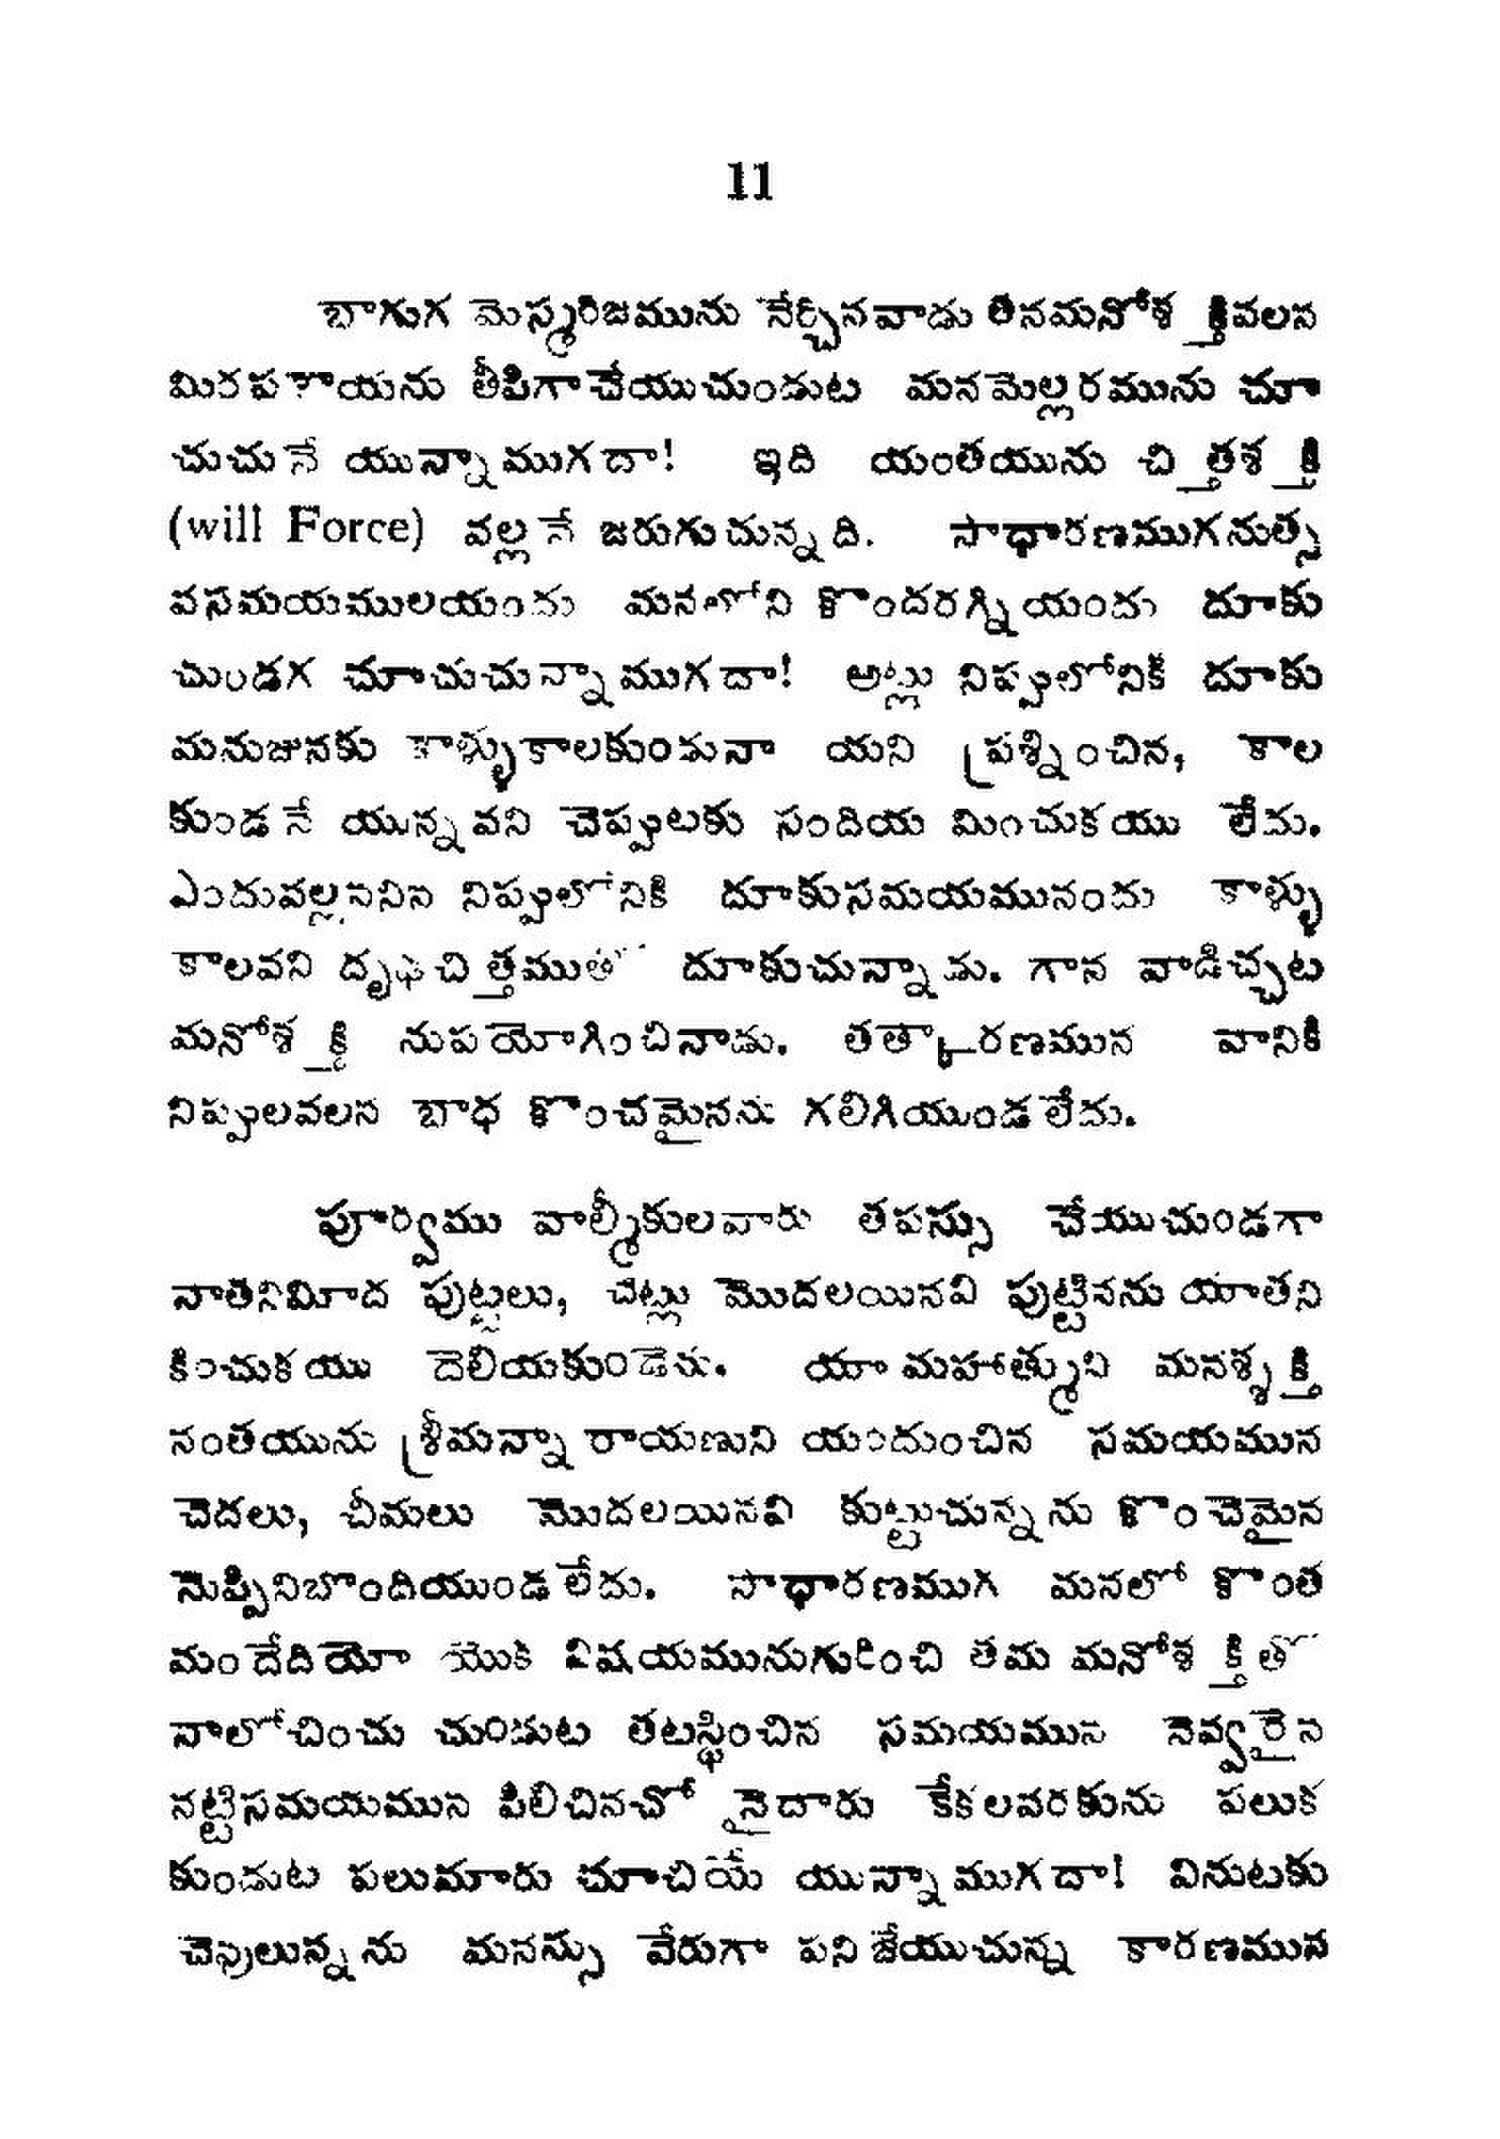బాగుగ మెస్మరిజమును నేర్చినవాడు తనమనోశక్తి వలన మిరపకాయను తీపిగా చేయుచుండుట మనమెల్లరమును చూచుచునే యున్నాముగదా! ఇది యంతయును చిత్తశక్తి (will Force) వల్లనే జరుగుచున్నది. సాధారణముగ నుత్సవ సమయములయందు మనలోని కొందరగ్నియందు దూకు
చుండగ చూచుచున్నాము గదా! అట్లు నిప్పులోనికి దూకు మనుజునకు కాళ్ళుకాలకుండునా యని ప్రశ్నించిన, కాలకుండనే యున్నవని చెప్పుటకు సందియ మించుకయు లేదు. ఎందువల్ల ననిన నిప్పులోనికి దూకు సమయమునందు కాళ్ళు కాలవని దృఢచిత్తముతో దూకుచున్నాడు. గాన వాడిచ్చట మనోశక్తి నుపయోగించినాడు. తత్కారణమున వానికి నిప్పులవలస బాధ కొంచమైనను గలిగియుండ లేదు.

పూర్వము వాల్మీకులవారు తపస్సు చేయుచుండగా నాతనిమీద పుట్టలు, చెట్లు మొదలయినవి పుట్టినను యాతని కించుకయు దెలియకుండెను. యా మహాత్ముని మనశ్శక్తి నంతయును శ్రీమన్నారాయణుని యందుంచిన సమయమున చెదలు, చీమలు మొదలయినవి. కుట్టుచున్నను కొంచెమైన నొప్పిని బొందియుండలేదు. సాధారణముగా మనలో కొంత మందేదియో యొక విషయమును గురించి తమ మనోశక్తితో నాలోచించు చుండుట తటస్థించిన సమయమున నెవ్వరైన
నట్టిసమయమున పిలిచినచో నైదారు కేకలవరకును పలుక కుండుట పలుమారు చూచియే యున్నాముగదా! వినుటకు చెపులున్నను మనస్సు వేరుగా పనిజేయుచున్న కారణమున